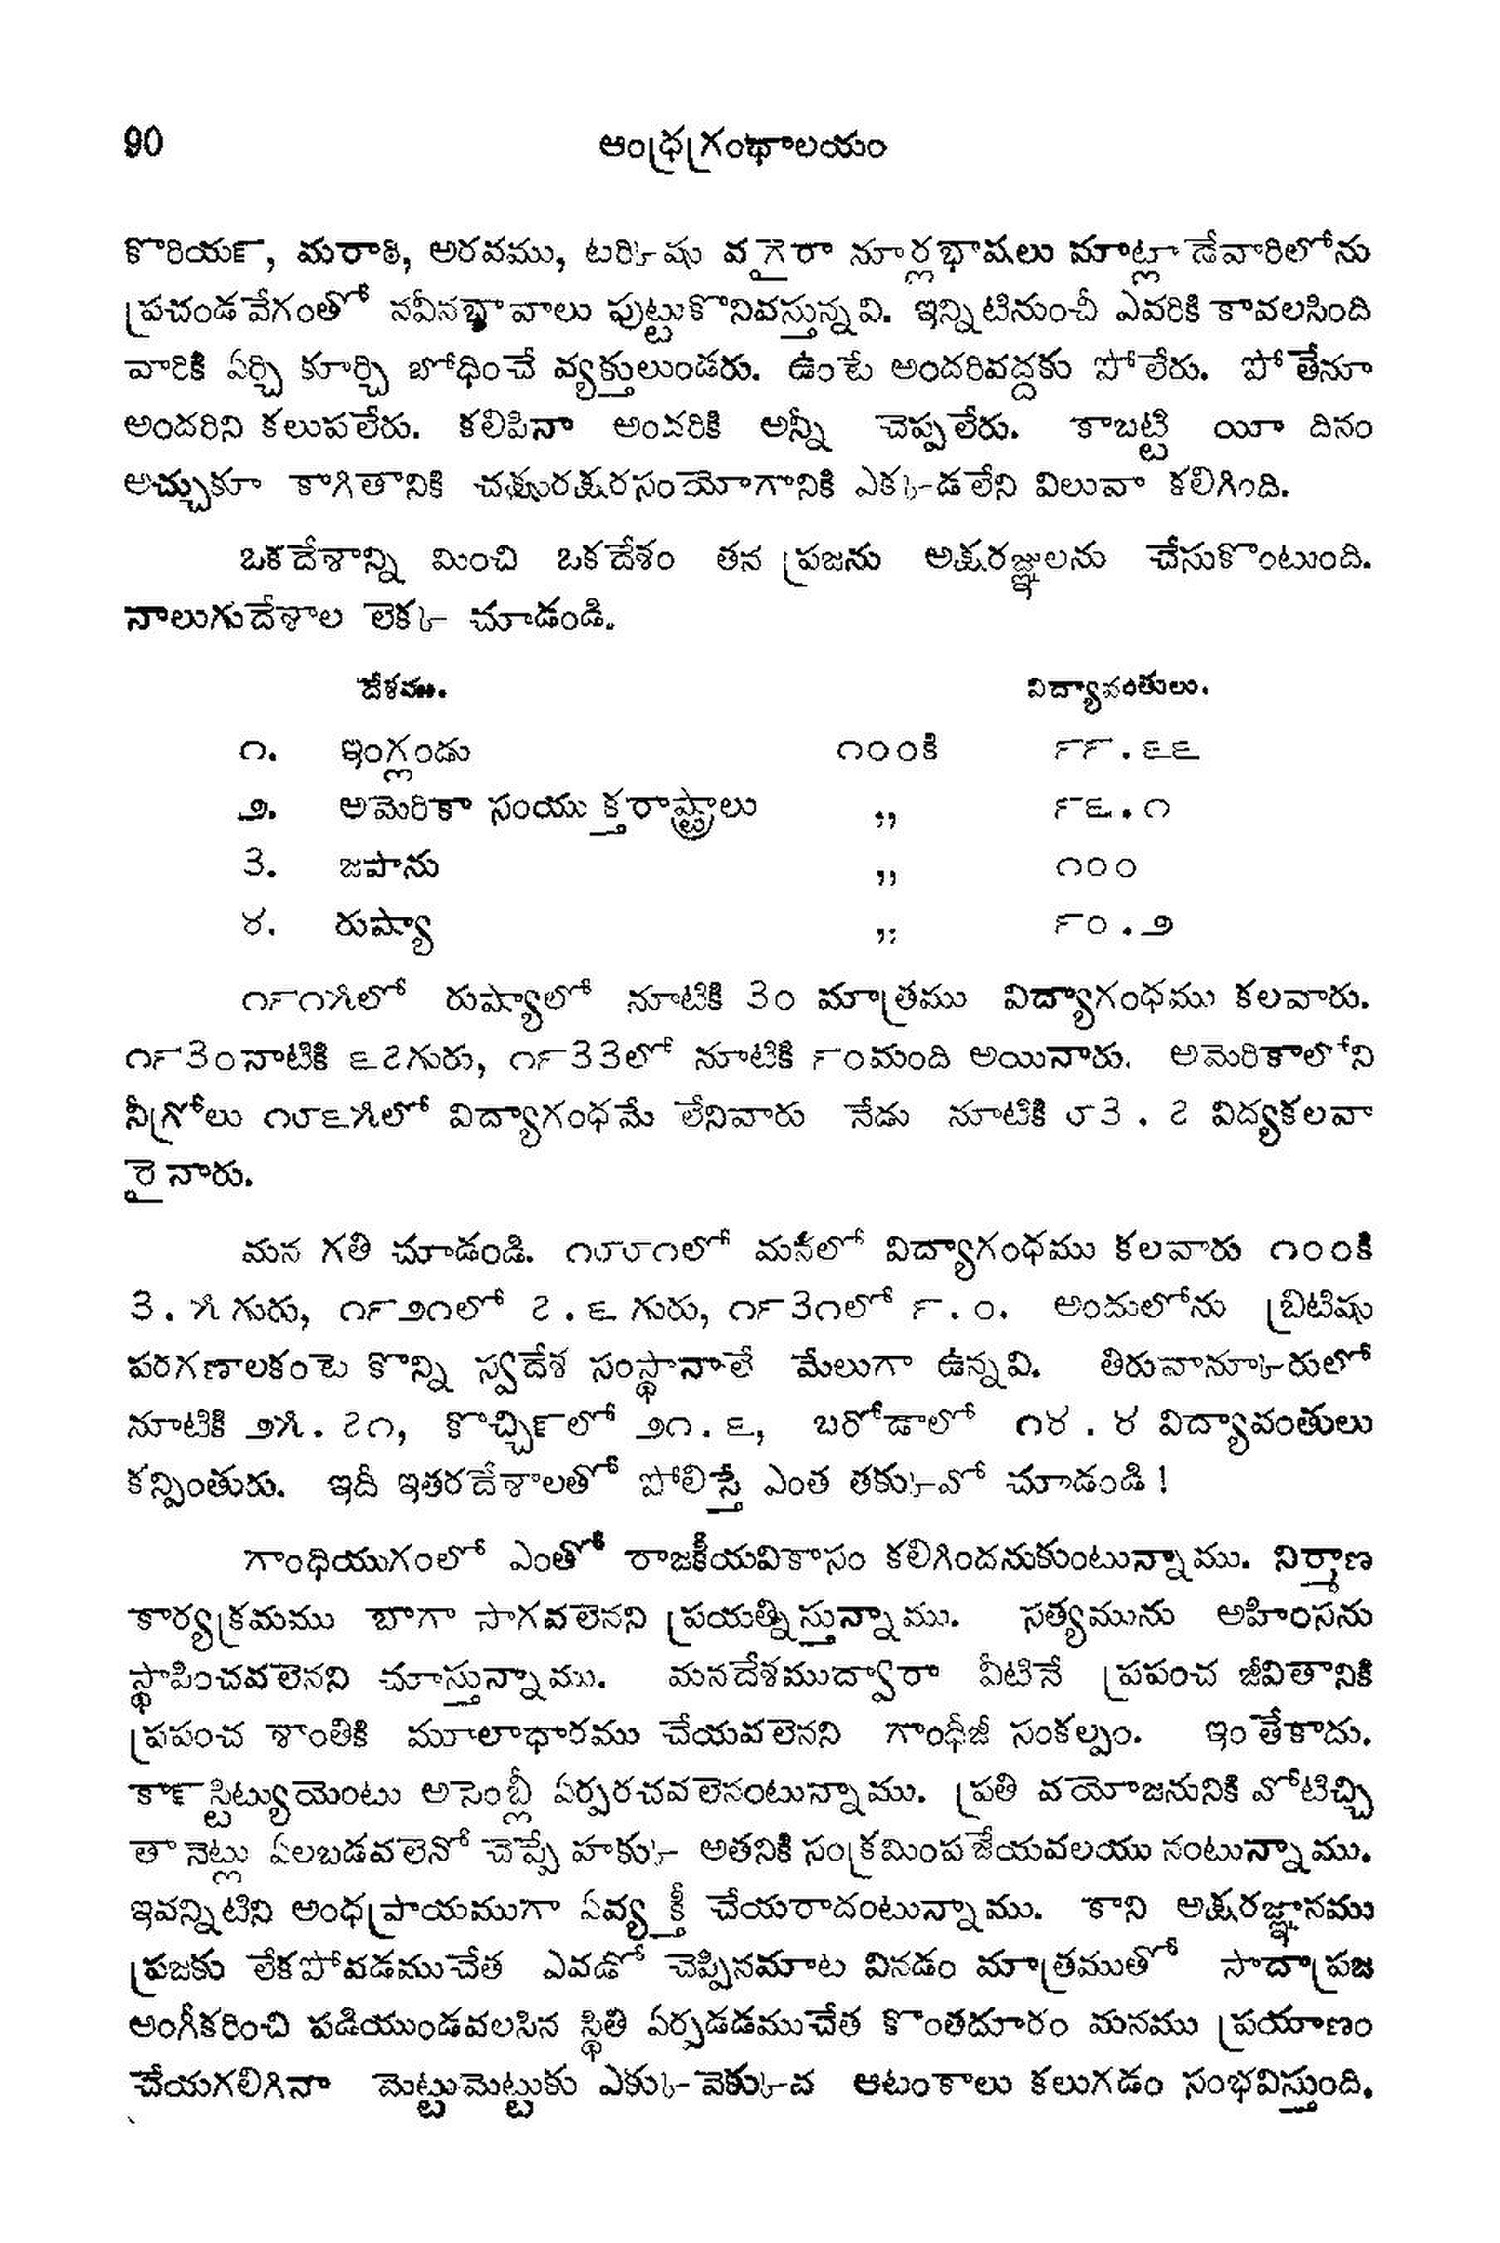కొరియ౯, మరాఠి, అరవము, టర్కిషు వగైరా నూర్లభాషలు మాట్లాడేవారిలోను ప్రచండవేగంతో నవీన భావాలు పుట్టుకొనివస్తున్నవి. ఇన్నిటినుంచీ ఎవరికి కావలసింది వారికి ఏర్చి కూర్చి బోధించే వ్యక్తులుండరు. ఉంటే అందరివద్దకు పోలేరు. పోతేనూ
అందరిని కలుపలేరు. కలిపినా అందరికి అన్నీ చెప్పలేరు. కాబట్టి యీ దినం అచ్చుకూ కాగితానికి చతురక్షరసంయోగానికి 
ఎక్కడలేని విలువా కలిగింది.

ఒక దేశాన్ని మించి ఒక దేశం తన ప్రజను అక్షరజ్ఞులను చేసుకొంటుంది. నాలుగుదేశాల లెక్క చూడండి.
 
 దేశము విద్యావంతులు ౧ ఇంగ్లాండు ౧౦౦కి ౯౯.౬౬౨ ఆమెరికా సంయుక్త రాష్ట్రాలు " ౯౬.౧ ౩ జాపాను " ౧౦౦ ౪ రుష్యా " ౯౦.౨ 
౧౯౧౫ లో రుష్యాలో నూటికి 30 మాత్రము విద్యాగంధము కలవారు. ౧౯30 నాటికి ౬౭గురు, ౧F33లో నూటికి ౯౦ మంది 
అయినారు. అమెరికాలోని నీగ్రోలు ౧౮౬౫ ౮౩లో విద్యాగంధమే లేనివారు నేడు నూటికి ౮౩. ౭ విద్య కలవారైనారు.

మన గతి చూడండి. ౧౮౮౧ మనలో విద్యాగంధము కలవారు ౧౦౦ కి ౩. ౫ గురు, ౧౯౩౧లో ౯.౦. అందులోను
బ్రిటిషు పరగణాలకంటే కొన్ని స్వదేశ సంస్థానాలే మేలుగా ఉన్నవి. తిరువాన్కూరులో నూటికి ౨౫. ౭౧, కొచ్చి౯ లో ౨౧.౬, 
బరోడాలో ౧౪.౪ విద్యావంతులు కన్పింతురు. ఇది ఇతరదేశాలతో పోలిస్తే ఎంత తక్కువో చూడండి !

గాంధియుగంలో ఎంతో రాజకీయవికాసం కలిగిందనుకుంటున్నాము. నిర్మాణ కార్యక్రమము బాగా సాగవలెనని ప్రయత్నిస్తున్నాము. సత్యమును అహింసను స్థాపించవలెనని చూస్తున్నాము. మనదేశముద్వారా వీటినే ప్రపంచ జీవితానికి ప్రపంచ శాంతికి
మూలాధారము చేయవలెనని గాంధీజీ సంకల్పం. ఇంతేకాదు. కాన్స్టిట్యూయంట్ అసెంబ్లీ ఏర్పరచవలెనంటున్నాము. ప్రతి 
వయోజనునికి వోటిచ్చి తా నెట్లు ఏలబడవలెనో చెప్పే హక్కు - అతనికి సంక్రమింప జేయవలయు నంటున్నాము.
ఇవన్నిటిని అంధప్రాయముగా ఏవ్యక్తీ చేయరాదంటున్నాము. కాని అక్షరజ్ఞానము ప్రజకు లేక పోవడము చేత ఎవడో 
చెప్పినమాట వినడం మాత్రముతో సాదాప్రజ అంగీకరించి పడియుండవలసిన స్థితి ఏర్పడడముచేత కొంతదూరం 
మనము ప్రయాణం చేయగలిగినా మెట్టుమెట్టుకు ఎక్కువెక్కువ ఆటంకాలు కలుగడం సంభవిస్తుంది.